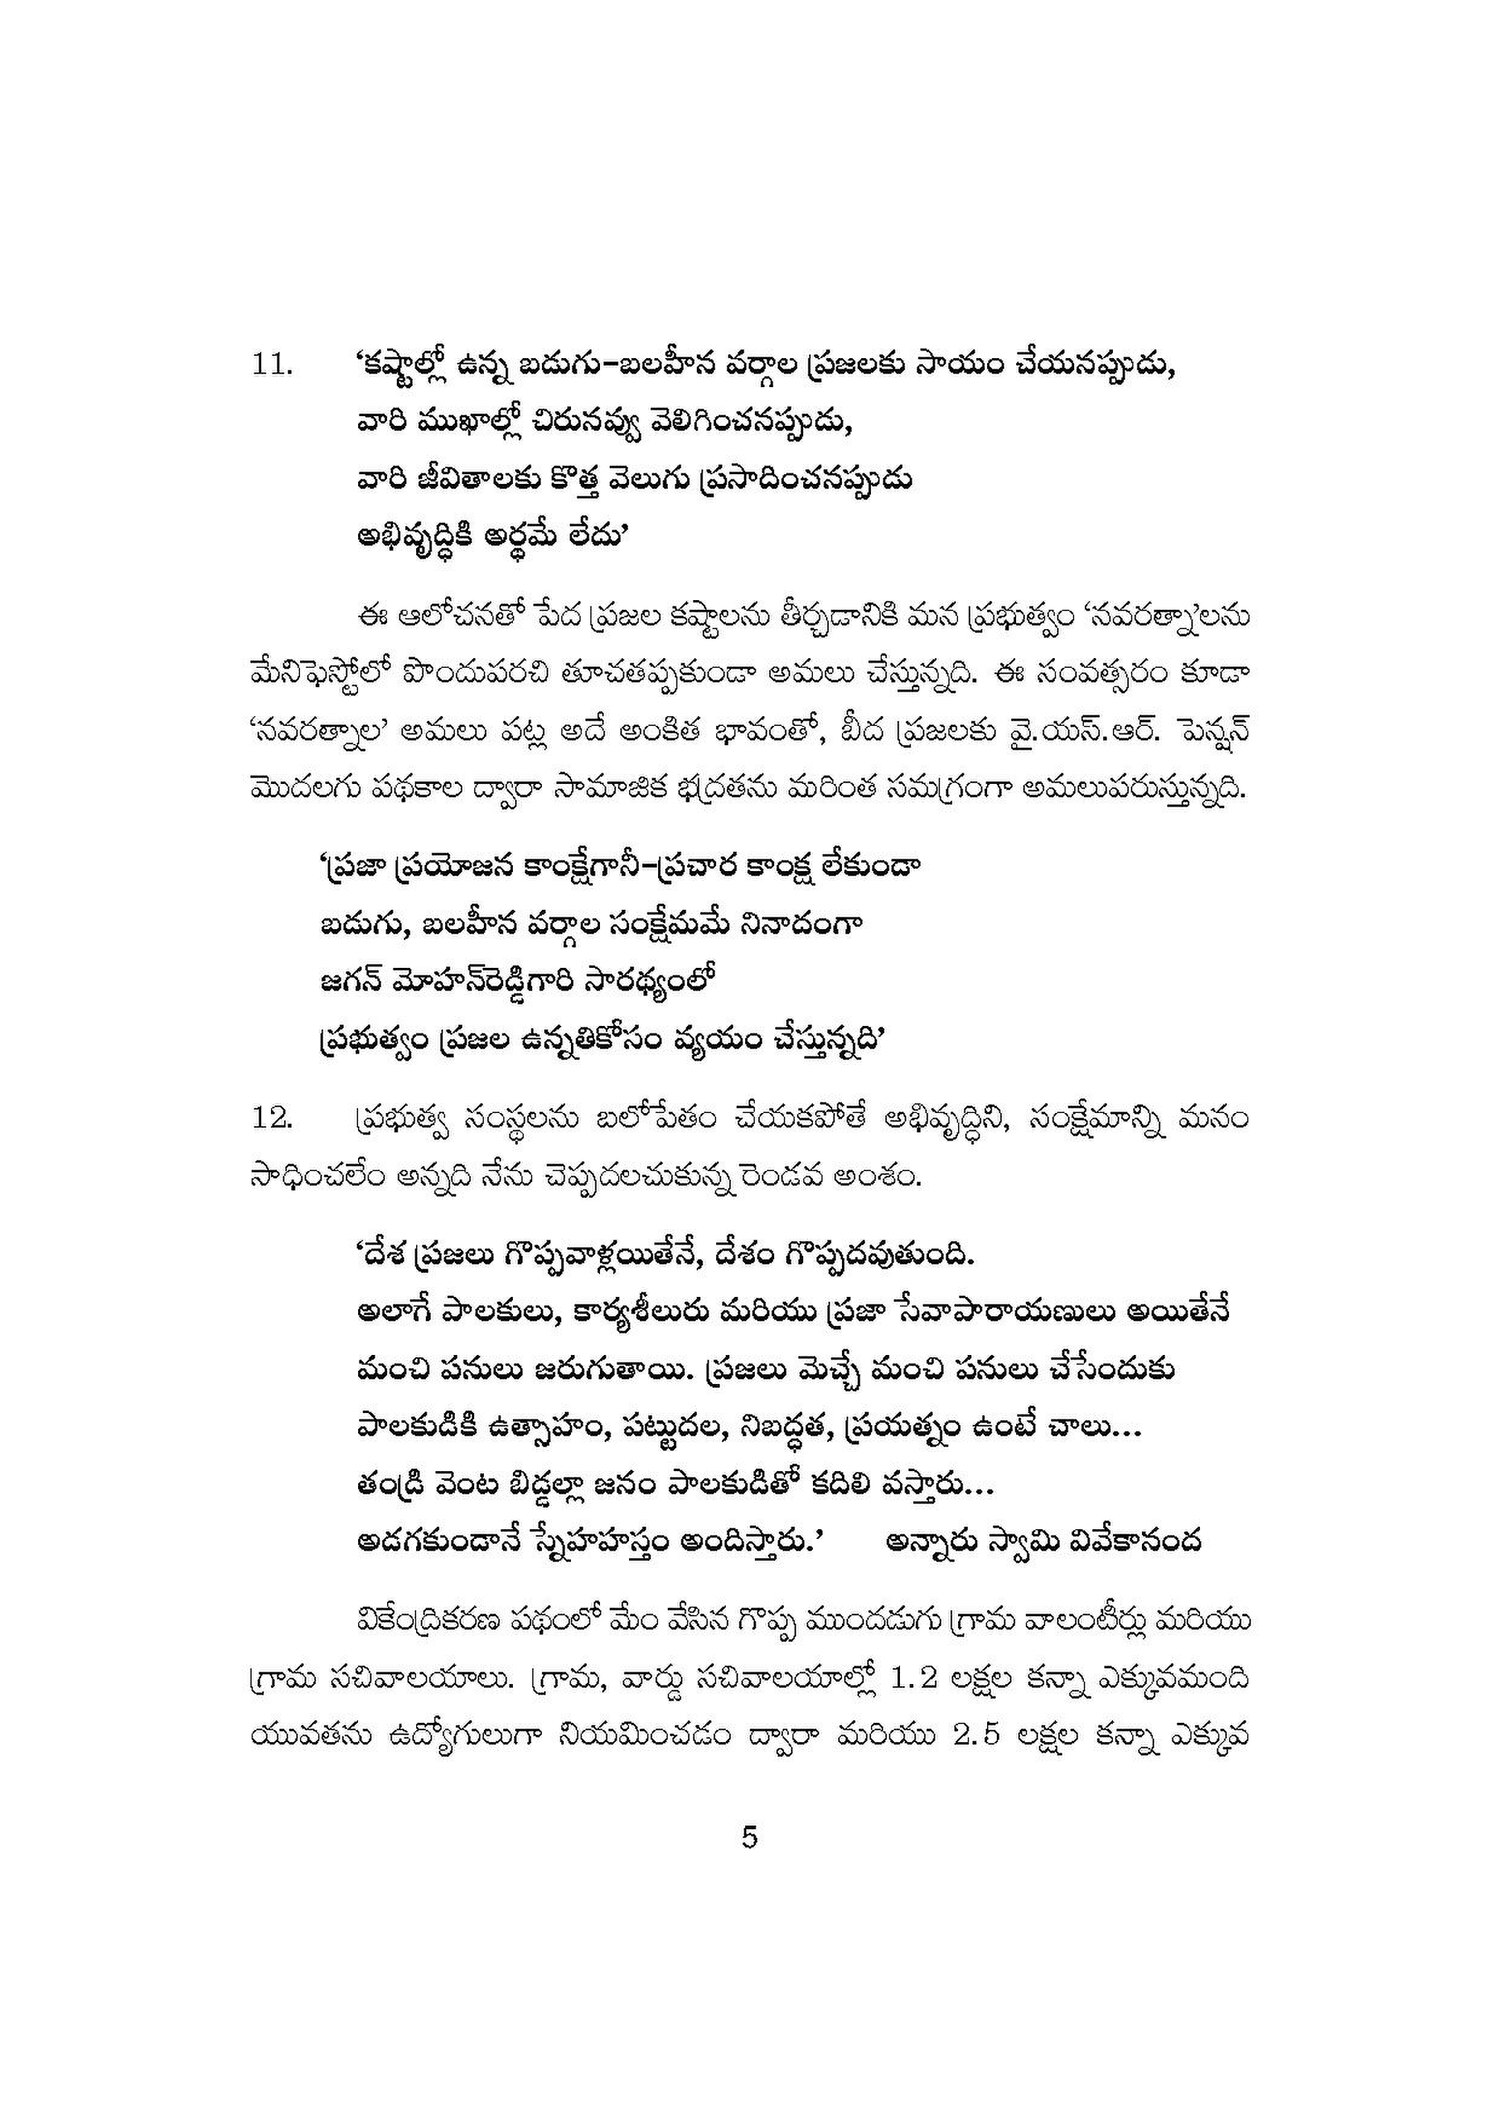11. 
'కష్టాల్లో ఉన్న ఐదుగు-బలహీన వర్గాల ప్రజలకు సాయం చేయనప్పుడు,
వారి ముఖాల్లో చిరునవ్వు వెలిగించనప్పుడు, వారి జీవితాలకు కొత్త వెలుగు ప్రసాదించనప్పుడు అభివృద్ధికి అర్థమే లేదు' 

ఈ ఆలోచనతో పేద ప్రజల కష్టాలను తీర్చడానికి మన ప్రభుత్వం 'నవరత్నా'లను మేనిఫెస్టోలో పొందుపరచి తూచతప్పకుండా అమలు చేస్తున్నది. ఈ సంవత్సరం కూడా 'నవరత్నాల' అమలు పట్ల అదే అంకిత భావంతో, బీద ప్రజలకు వై.యస్.ఆర్. పెన్షన్ మొదలగు పథకాల ద్వారా సామాజిక భద్రతను మరింత సమగ్రంగా అమలుపరుస్తున్నది. 
'ప్రజా ప్రయోజన కాంక్షేగానీ-ప్రచార కాంక్ష లేకుండా బడుగు, బలహీన వర్గాల సంక్షేమమే నినాదంగా జగన్ మోహన్ రెడ్డిగారి సారథ్యంలో
ప్రభుత్వం ప్రజల ఉన్నతికోసం వ్యయం చేస్తున్నది.  

12. ప్రభుత్వ సంస్థలను బలోపేతం చేయకపోతే అభివృద్ధిని, సంక్షేమాన్ని మనం సాధించలేం అన్నది నేను చెప్పదలచుకున్న రెండవ అంశం.
'దేశ ప్రజలు గొప్పవాళ్లయితేనే, దేశం గొప్పదవుతుంది. అలాగే పాలకులు, కార్యశీలురు మరియు ప్రజా సేవాపారాయణులు అయితేనే మంచి పనులు జరుగుతాయి. ప్రజలు మెచ్చే మంచి పనులు చేసేందుకు పాలకుడికి ఉత్సాహం, పట్టుదల, నిబద్ధత, ప్రయత్నం ఉంటే చాలు... తండ్రి వెంట బిడ్డల్లా జనం పాలకుడితో కదిలి వస్తారు... అడగకుండానే స్నేహహస్తం అందిస్తారు.' అన్నారు స్వామి వివేకానంద 

వికేంద్రీకరణ పథంలో మేం వేసిన గొప్ప ముందడుగు గ్రామ వాలంటీర్లు మరియు గ్రామ సచివాలయాలు. గ్రామ, వార్డు సచివాలయాల్లో 1.2 లక్షల కన్నా ఎక్కువమంది యువతను ఉద్యోగులుగా నియమించడం ద్వారా మరియు 2.5 లక్షల కన్నా ఎక్కువ